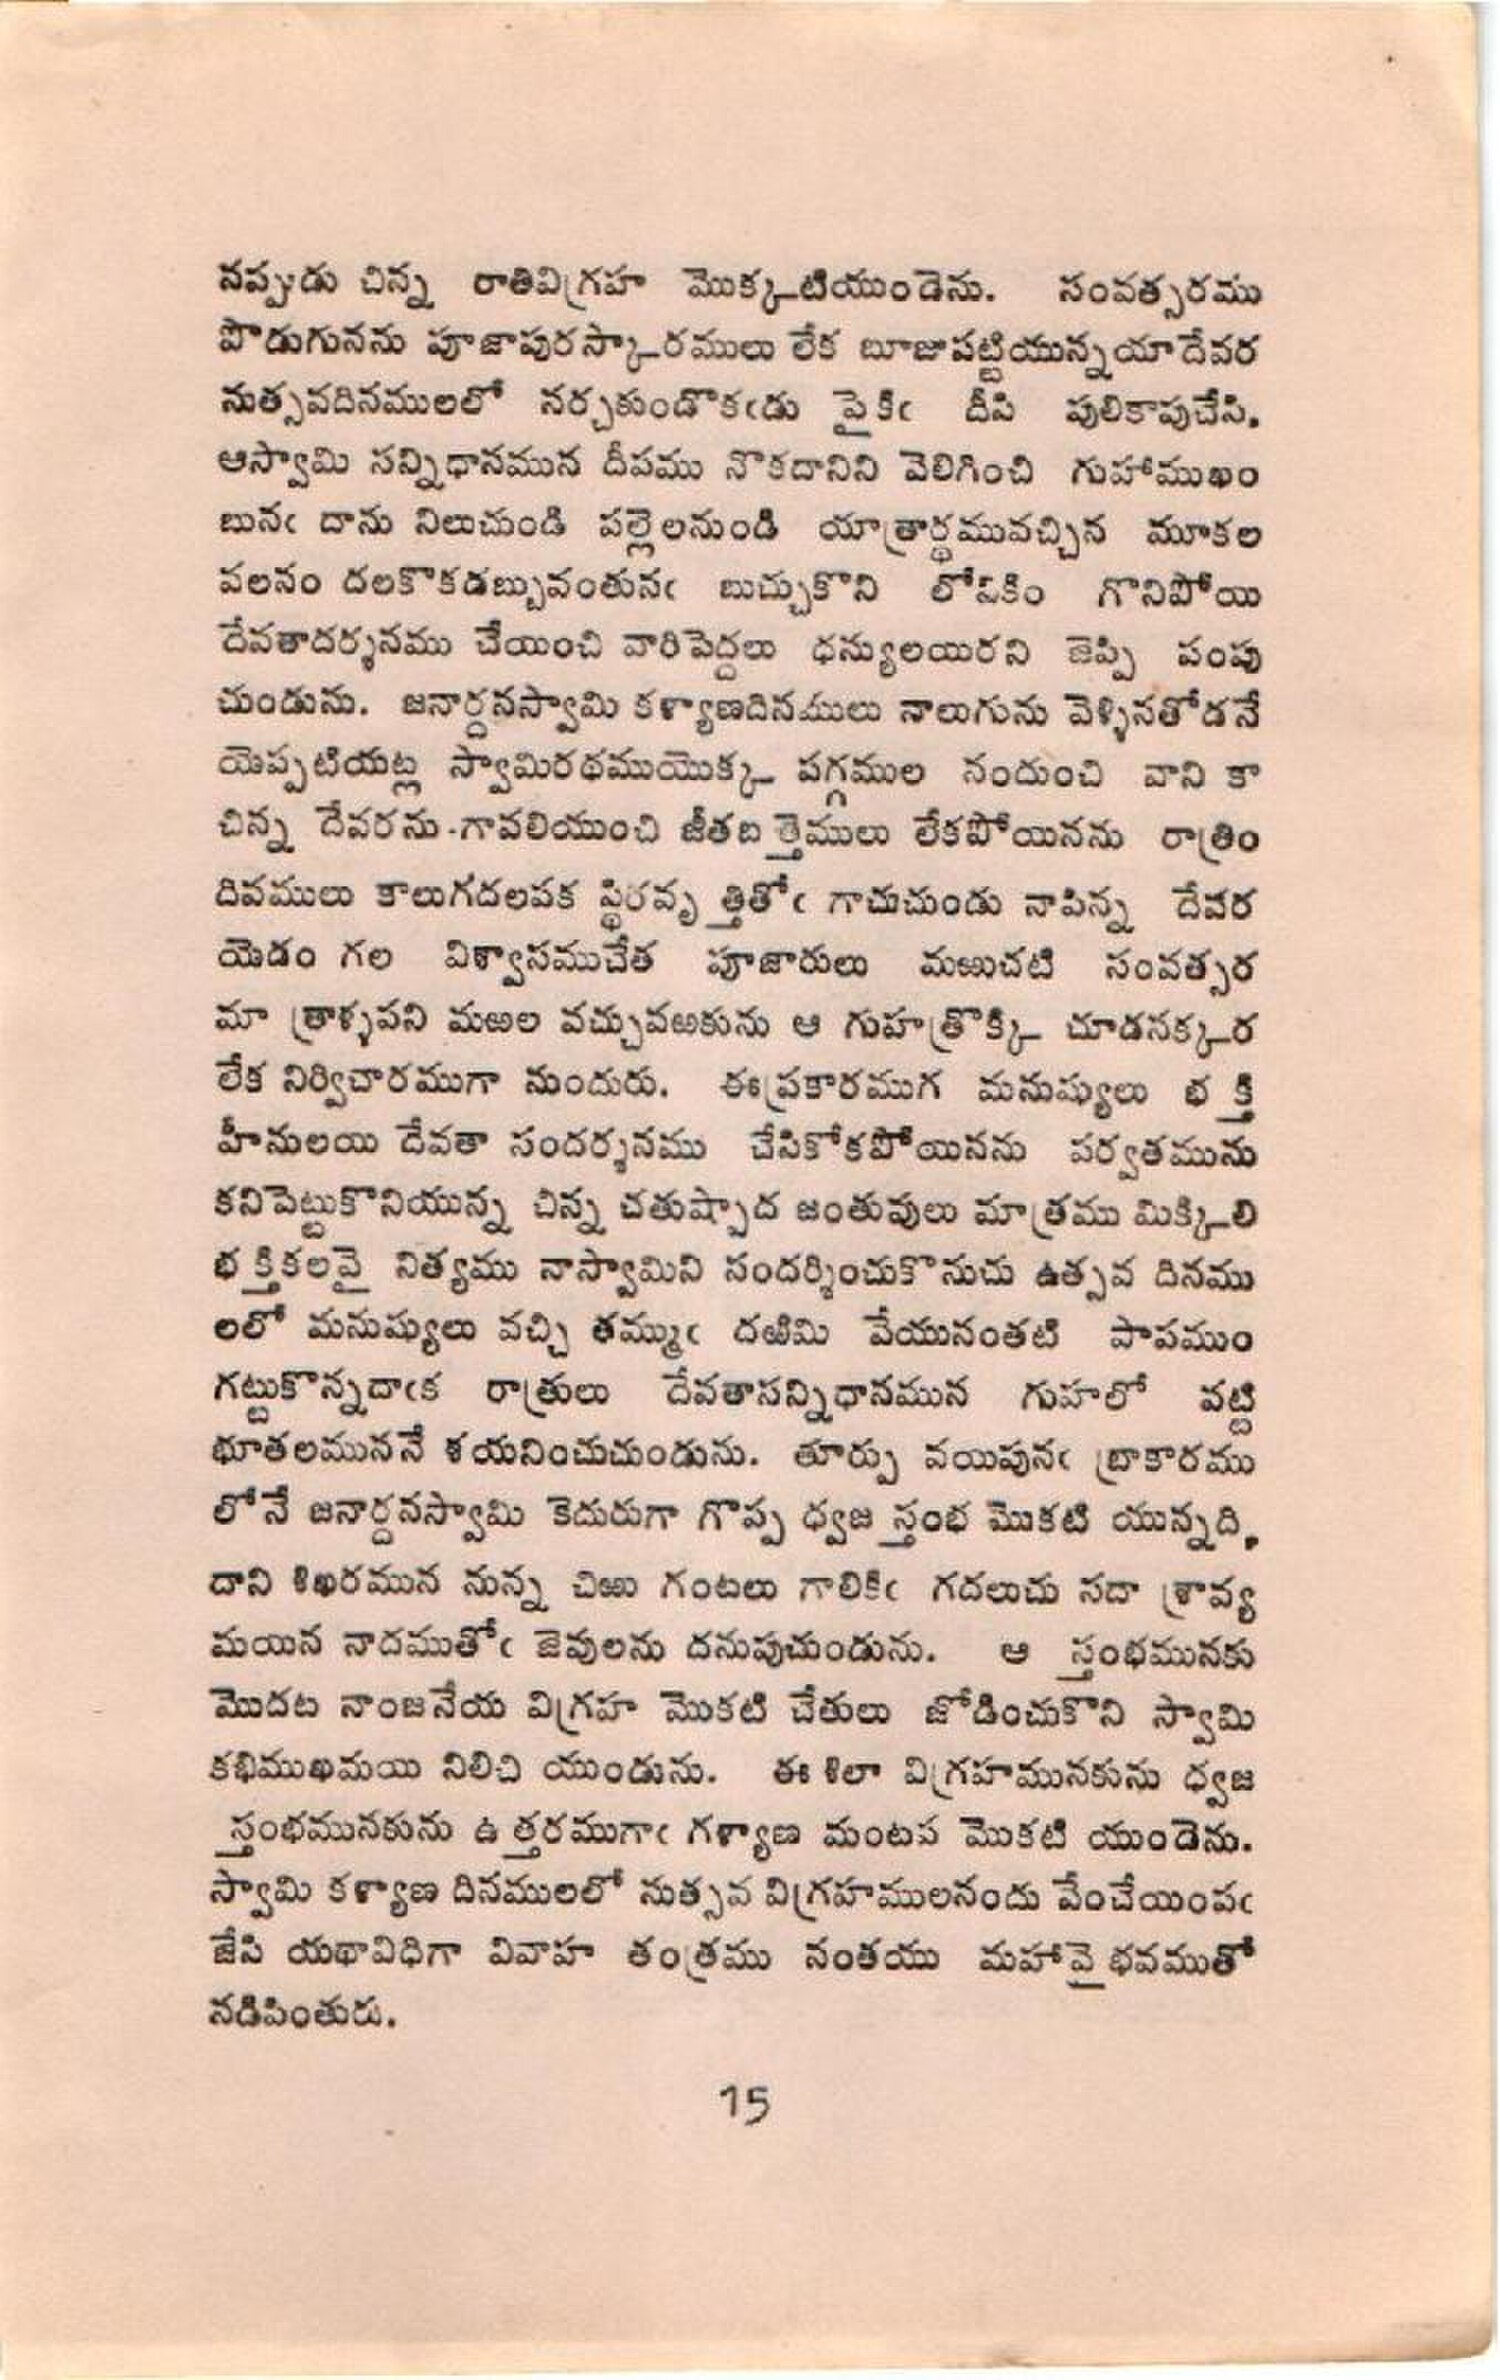నప్పుడు చిన్న రాతివిగ్రహ మొక్కటియుండెను. సంవత్సరము పొడుగునను పూజాపురస్కారములు లేక బూజుపట్టియున్నయాదేవరనుత్సవదినములలో నర్చకుండొకఁడు పైకిఁ దీసి పులికాపుచేసి, ఆస్వామి సన్నిధానమున దీపము నొకదానిని వెలిగించి గుహాముఖంబునఁ దాను నిలుచుండి పల్లెలనుండి యాత్రార్థమువచ్చిన మూకలవలనం దలకొకడబ్బువంతునఁ బుచ్చుకొని లోనికిం గొనిపోయి దేవతాదర్శనము చేయించి వారిపెద్దలు ధన్యులయిరని జెప్పి పంపుచుండును. జనార్ధనస్వామి కళ్యాణదినములు నాలుగును వెళ్ళినతోడనే యెప్పటియట్ల స్వామిరథముయొక్క పగ్గముల నందుంచి వాని కాచిన్న దేవరను గావలియుంచి జీతబత్తెములు లేకపోయినను రాత్రిందినముల కాలుగదలపక స్థిరవృత్తితోఁ గాచుచుండు నాపిన్న దేవర యెడం గల విశ్వాసముచేత పూజారులు మఱుచటి సంవత్సర మా త్రాళ్ళపని మఱల వచ్చువఱకును ఆ గుహత్రొక్కి చూడనక్కరలేక నిర్విచారముగా నుందురు. ఈప్రకారముగ మనుష్యులు భక్తివిహీనులయి దేవతా సందర్శనము చేసికోకపోయునను పర్వతమును కనిపెట్టుకొనియున్న చిన్న చతుష్పాద జంతువులు మాత్రము మిక్కిలి భక్తికలవై నిత్యము నాస్వామిని సందర్శించుకొనుచు ఉత్సవదినములలో మనుష్యులువచ్చి తమ్ముఁ దఱిమివేయునంతటిపాపముం గట్టుకొన్నదాఁక రాత్రులు దేవతాసన్నిధానమున్ గుహలో వట్టిభూతలముననే శయనించుచుండును. తూర్పువయిపునఁ బ్రాకారములోనే జనార్ధనస్వామి కెదురుగా గొప్పధ్వజస్తంభమొకటి యున్నది. దాని శిఖరమున నున్న చిఱుగంటలు గాలికిఁగదలుచు సదా శ్రావ్యమయిననాదముతోఁ జెవులను దనుపుచుండును. ఆస్తంభమునకు మెుదట నాంజనేయ విగ్రహమొకటి చేతులు జోడించుకొని స్వామి కభిముఖమయి నిలిచి యుండును. ఈ శిలావిగ్రహమునకును ధ్వజస్తంభమునకును ఉత్తరముగా గళ్యాణమంటప మొకటి యుండెను. స్వామి కళ్యాణ దినములలో నుత్సవవిగ్రహములు నందు వేంచేయింపజేసి యథావిధిగా వివాహ తంత్రము నంతయు మహావైభవముతో నడిపింతురు.